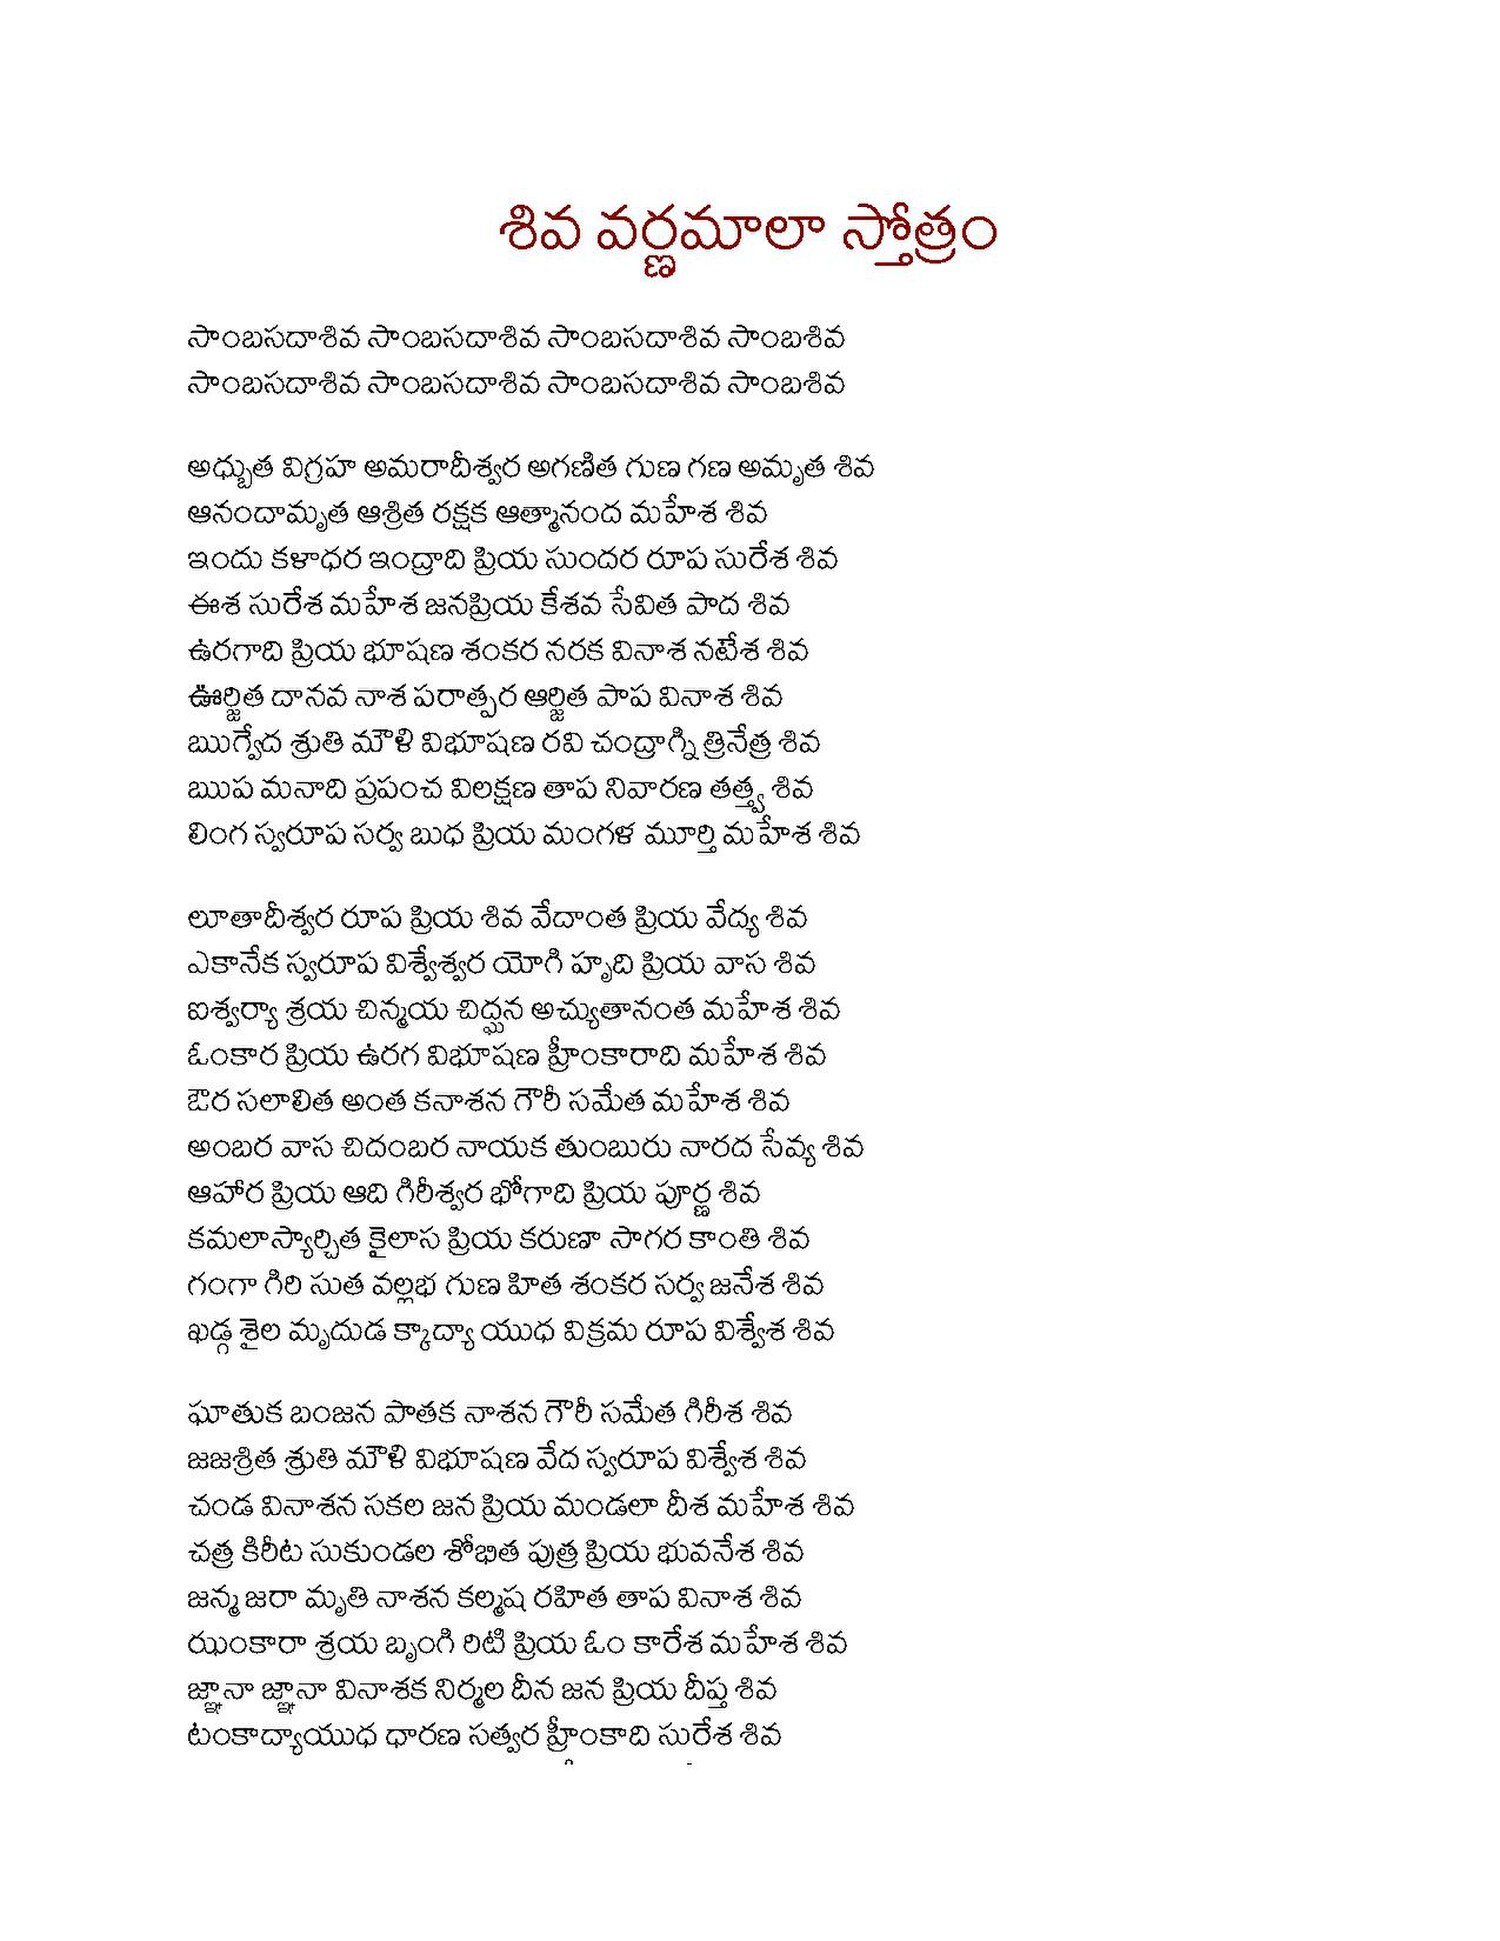సాంబసదాశివ సాంబసదాశివ సాంబసదాశివ సాంబశివ
సాంబసదాశివ సాంబసదాశివ సాంబసదాశివ సాంబశివ

అధ్బుత విగ్రహ అమరాదీశ్వర అగణిత గుణ గణ అమృత శివ
ఆనందామృత ఆశ్రిత రక్షక ఆత్మానంద మహేశ శివ
ఇందు కళాధర ఇంద్రాది ప్రియ సుందర రూప సురేశశివ
ఈశ సురేశ మహేశ జనప్రియ కేశవ సేవితపాద శివ
ఉరగాది ప్రియ భూషణ శంకర నరక వినాశ నటేశశివ
ఊర్జిత దానవ నాశ పరాత్పర ఆర్జిత పాప వినాశ శివ
ఋగ్వేద శ్రుతి మౌళి విభూషణ రవి చంద్రాగ్ని త్రినేత్ర శివ
ఋప మనాది ప్రపంచ విలక్షణ తాప నివారణ తత్త్వ శివ
లింగ స్వరూప సర్వ బుధ ప్రియ మంగళ మూర్తి మహేశశివ

లూతాదీశ్వర రూప ప్రియ శివ వేదాంత ప్రియ వేద్య శివ
ఏకానేక స్వరూప విశ్వేశ్వర యోగి హృది ప్రియ వాస శివ
ఐశ్వర్యా శ్రయ చిన్మయ చిద్ఘన అచ్యుతానంత మహేశశివ
ఓంకార ప్రియ ఉరగ విభూషణ హ్రీంకారాది మహేశశివ
ఔరసలాలిత అంతకనాశన గౌరీసమేత మహేశశివ
అంబరవాస చిదంబర నాయక తుంబురు నారద సేవ్య శివ
ఆహారప్రియ ఆది గిరీశ్వర భోగాది ప్రియ పూర్ణ శివ
కమలాస్యార్చిత కైలాస ప్రియ కరుణా సాగర కాంతి శివ
గంగా గిరిసుత వల్లభ గుణ హిత శంకర సర్వ జనేశ శివ
ఖడ్గ శైల మృదుడక్కాద్యా యుధ విక్రమ రూప విశ్వేశశివ

ఘాతుక భంజన పాతక నాశన గౌరీ సమేత గిరీశ శివ
జజశ్రిత శ్రుతి మౌళి విభూషణ వేద స్వరూప విశ్వేశ శివ
చండ వినాశన సకల జన ప్రియ మండలాధీశ మహేశశివ
ఛత్ర కిరీట సుకుండల శోభిత పుత్ర ప్రియ భువనేశశివ
జన్మజరా మృతి నాశన కల్మష రహిత తాప వినాశశివ
ఝంకారా శ్రయ బృంగి రిటి ప్రియ ఓం కారేశ మహేశశివ
జ్ఞానా జ్ఞానా వినాశక నిర్మల దీన జన ప్రియ దీప్త శివ
టంకాద్యాయుధ ధారణ సత్వర హ్రీంకాది సురేశ శివ